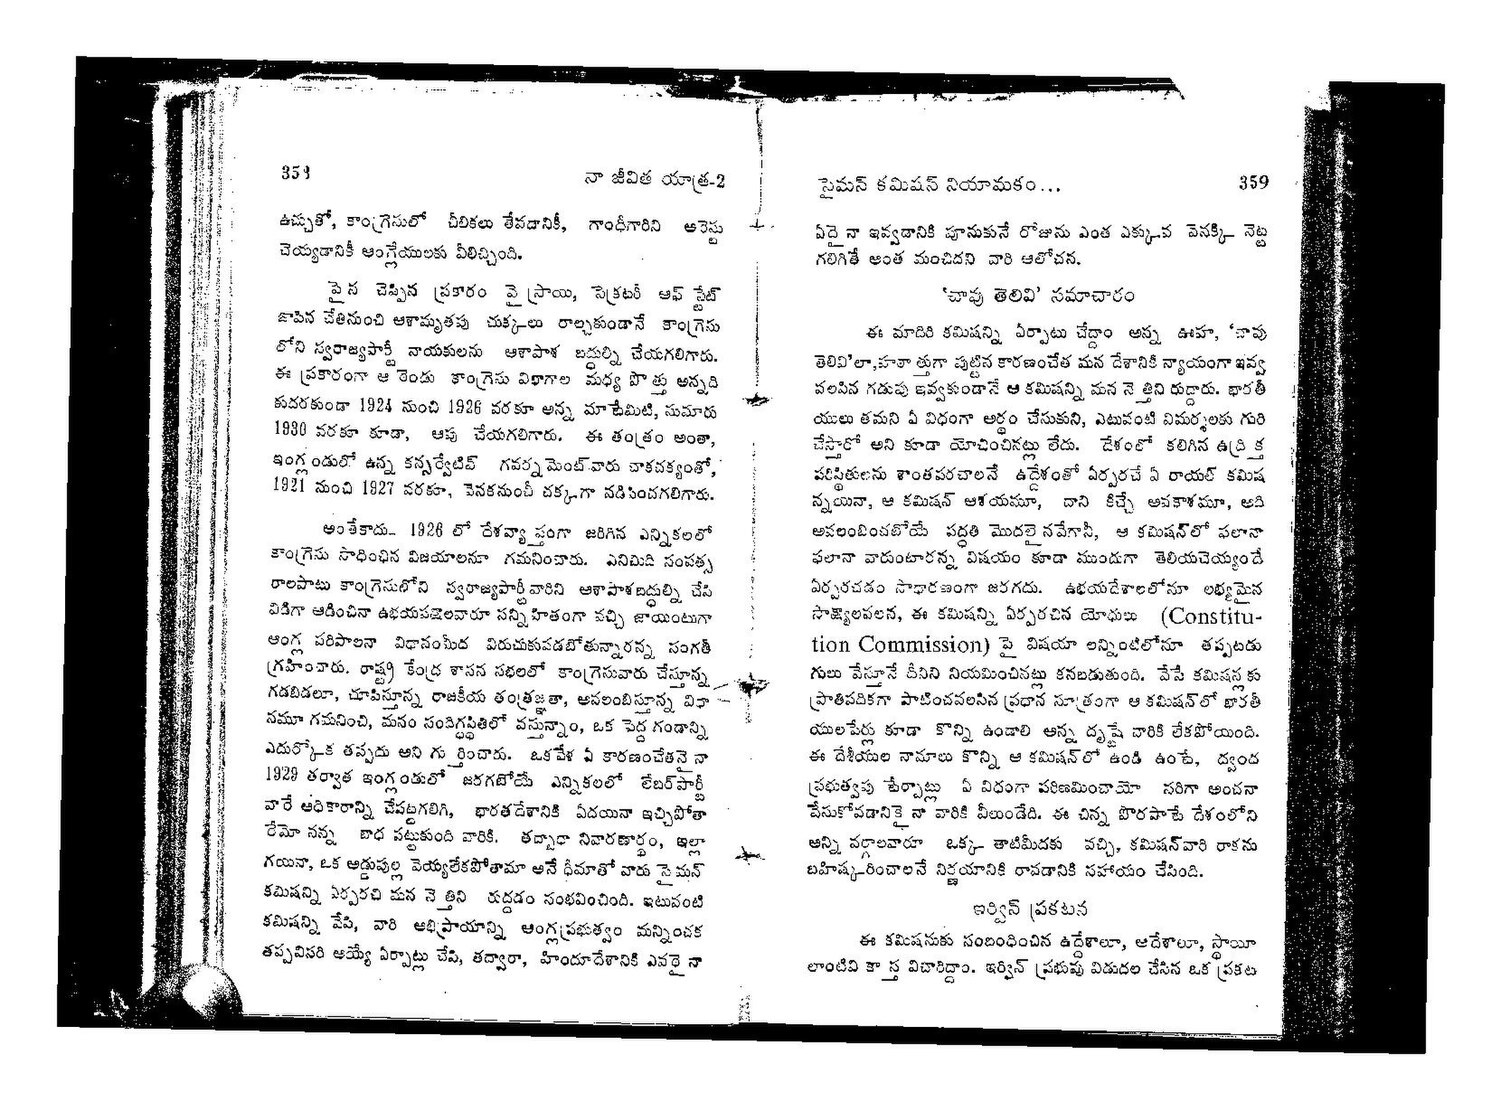ఏదైనా ఇవ్వడానికి పూనుకునే రోజును ఎంత ఎక్కువ వెనక్కి నెట్ట కలిగితే అంత మంచిదని వారి ఆలోచన.

ఈ మాదిరి కమిషన్ని ఏర్పాటు చేద్దాం అన్న ఊహ, "చావు తెలివి"లా, హఠాత్తుగా పుట్టిన కారణంచేత మన దేశానికి న్యాయంగా ఇవ్వవలసిన గడువు ఇవ్వకుండానే ఆ కమిషన్ని మన నెత్తిని రుద్దారు. భారతీయులు తమని ఏ విధంగా అర్థం చేసుకుని ఎటువంటి విమర్శలకు గురిచేస్తారో అని కూడా యోచించినట్లు లేదు. దేశంలో కలిగిన ఉద్రిక్త పరిస్థితులను శాంతపరచాలనే ఉద్దేశంతో ఏర్పరచే ఏ రాయల్ కమిషన్నయినా, ఆ కమిషన్ ఆశయమూ, దానికిచ్చే అవకాశమూ అది అవలంభించబోయే పద్దతి మొదలైనవేగానీ, ఆ కమిషన్‌లో పలానా పలానా వారుంటారన్న విషయం కూడా ముందుగా తెలియ చెయ్యందే ఏర్పరచడం సాధారణంగా జరగదు. ఉభయ దేశాలలోనూ లభ్యమైన సాక్ష్యాలవలన ఈ కమిషన్ని ఏర్పరచిన యోధులు (Constitution Commission) పై విషయా లన్నింటిలోను తప్పటడుగులు వేస్తూనే దీనిని నియమించినట్లు కనబడుతుంది. వేసే కమిషన్లకు ప్రాతిపదికగా పాటించవలసిన ప్రధాన సూత్రంగా ఆ కమిషన్‌లో భారతీయులపేర్లు కూడా కొన్ని ఉండాలి అన్న దృష్టే వారికి లేకపోయింది. ఈ దేశీయుల నామాలు కొన్ని అ కమిషన్‌లో ఉండి ఉంటే, ద్వంద ప్రభుత్వపు టేర్పాట్లు ఏ విధంగా పరిణయమించాయో సరిగా అంచనా వేసుకోవడానికైనా వారికి వీలుండేది. ఈ చిన్న పొరపాటే దేశంలోని అన్ని వర్గాలవారు ఒక్క తాటిమీదకు వచ్చి, కమిషన్‌వారి రాకను బహిష్కరించాలనే నిర్ణయానికి రావడానికి సహాయం చేసింది.

ఈ కమిషనుకు సంబంధించిన ఉద్దేశాలూ, ఆదేశాలూ, స్థాయీలాంటివి కాస్త విచారిద్దాం. ఇర్విన్ ప్రభువు విడుదల చేసిన ఒక ప్రకట